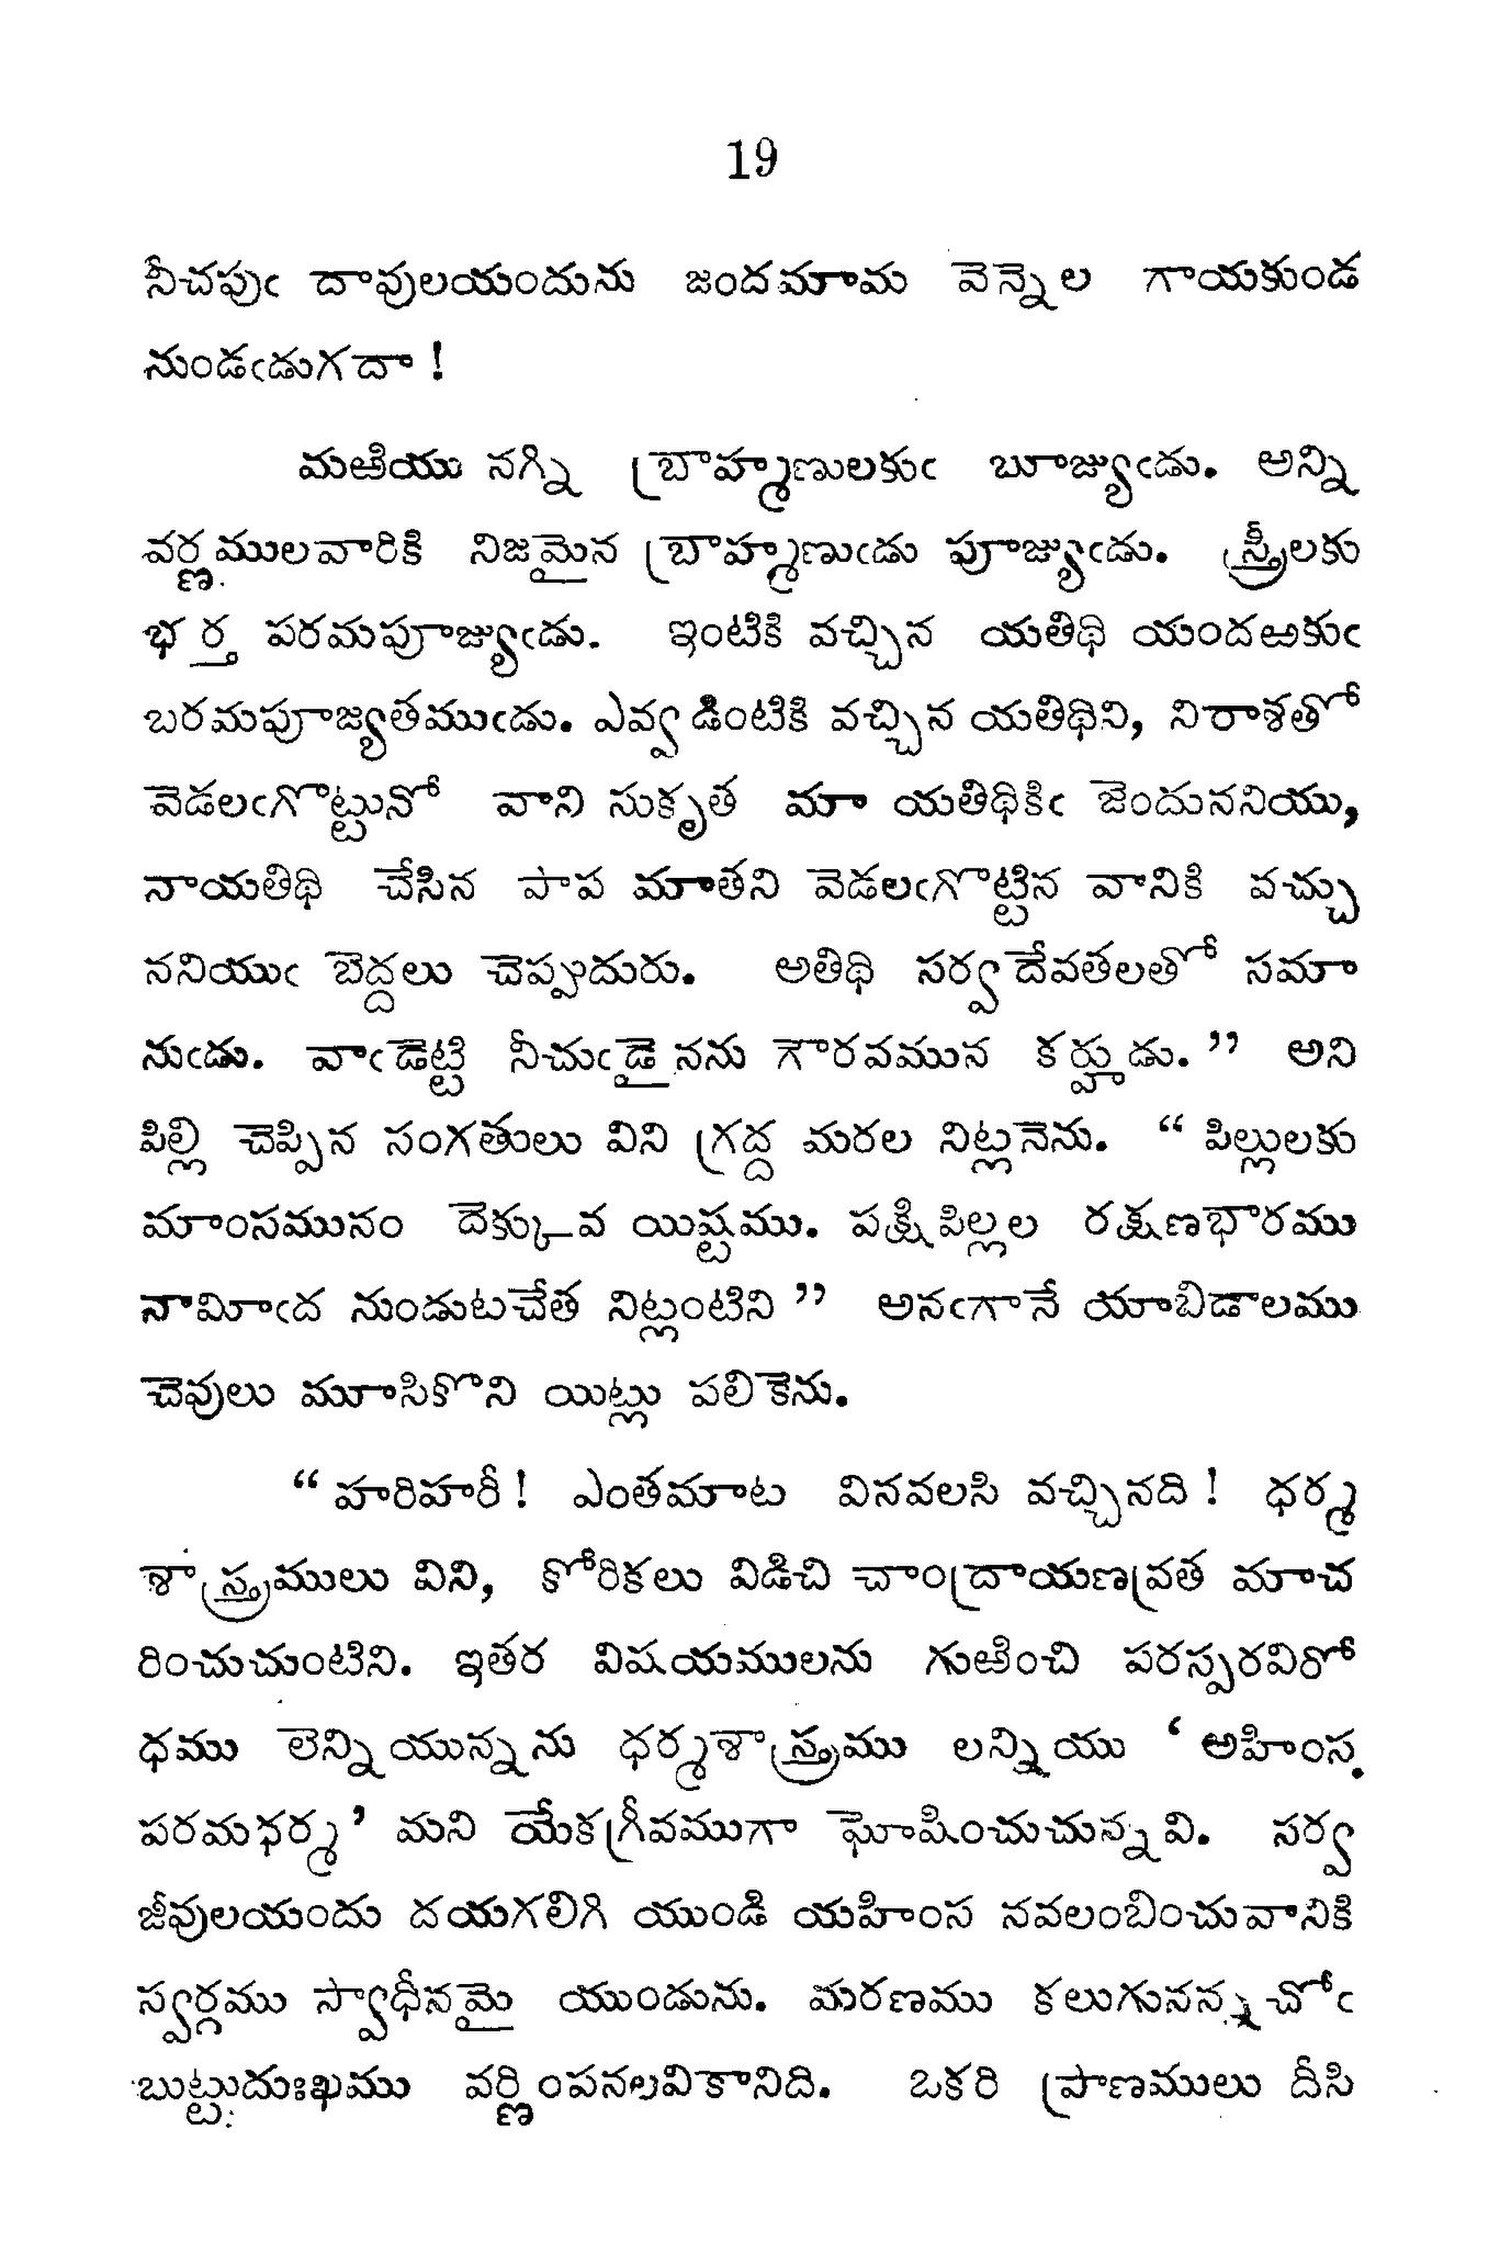నీచపు దావులయందును జందమామ వెన్నెల గాయకుండ నుండడుగదా!

మఱియు నగ్ని బ్రాహ్మణులకు బూజ్యుడు. అన్ని వర్ణములవారికి నిజమైన బ్రాహ్మణుడు పూజ్యుడు. స్త్రీలకు భర్త పరమపూజ్యుడు. ఇంటికివచ్చిన యతిథి యందఱకు బరమపూజ్యతముడు. ఎవ్వడింటికి వచ్చిన యతిథిని, నిరాశతో వెడల గొట్టునో వాని సుకృత మా యతిథికి జెందుననియు, నాయతిథి చేసిన పాప మాతని వెడలగొట్టిన వానికి వచ్చుననియు బెద్దలు చెప్పుదురు. అతిథి సర్వదేవలతో సమానుడు. వాడెట్టి నీచుడైనను గౌరవమున కర్హుడు." అని పిల్లి చెప్పిన సంగతులు విని గ్రద్ద మరల నిట్లనెను. "పిల్లులకు మాంసమనం దెక్కువ యిష్టము. పక్షిపిల్లల రక్షణభారము నామీద నుండుటచేత నిట్లంటిని." అనగానే యాబిడాలము చెవులు మూసికొని యిట్లు పలికెను.

"హరిహరీ! ఎంతమాట వినవలసి వచ్చినది! ధర్మ శాస్త్రములు విని, కోరికలు విడిచి చాంద్రాయణవ్రత మాచరించుచుంటిని. ఇతర విషయములను గుఱించి పరస్పరవిరోధము లెన్ని యున్నను ధర్మశాస్త్రము లన్నియు "అహింస పరమధర్మ" మని యేకగ్రీవముగా ఘోషించుచున్నవి. సర్వజీవులయందు దయగలిగి యుండి యహింస నవలంబించువానికి స్వర్గము స్వాధీనమై యుండును. మరణము కలుగునన్నచో బుట్టుదుఃఖము వర్ణింపనలవికానిది. ఒకరి ప్రాణములు దీసి